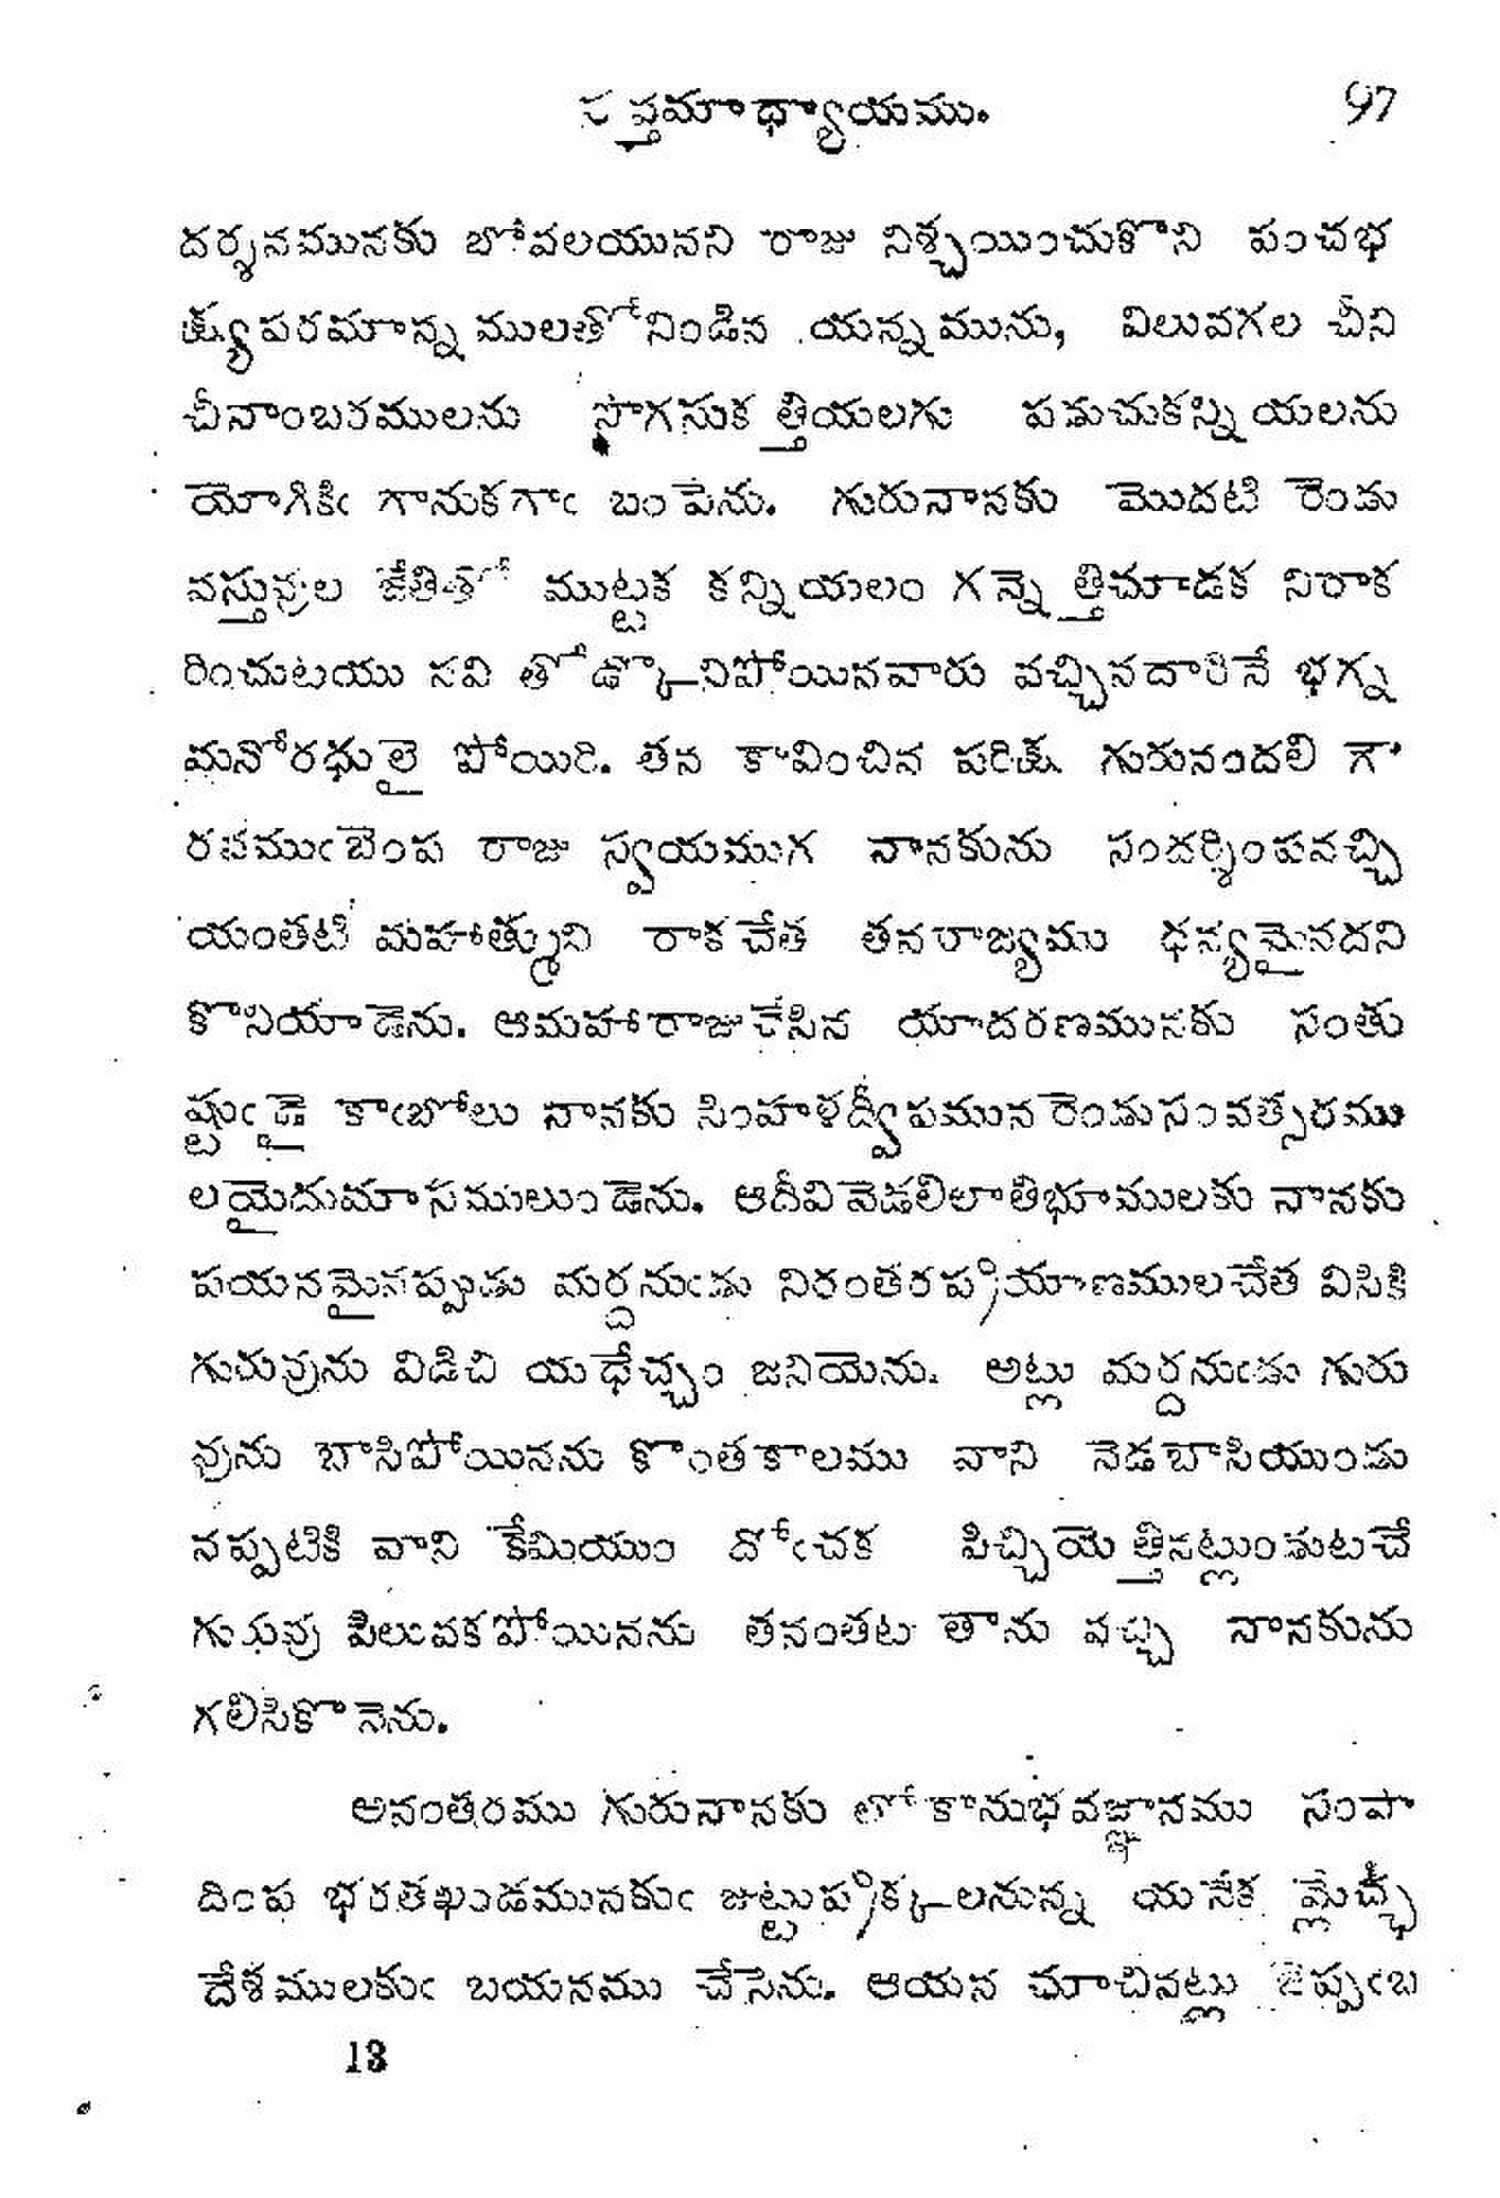దర్శనమునకు బోవలయునని రాజు నిశ్చయించుకొని పంచభక్ష్యపరమాన్నములతోనిండిన యన్నమును, విలువగల చీనిచీనాంబరములను సొగసుకత్తియలగు పడుచుకన్నియలను యోగికి గానుకగా బంపెను. గురునానకు మొదటి రెండు వస్తువుల జేతితో ముట్టక కన్నియలం గన్నెత్తిచూడక నిరాకరించుటయు నవి తోడ్కొనిపోయినవారు వచ్చినదారినే భగ్నమనోరధులై పోయిరి. తన కావించిన పరిక్ష గురునందలి గౌరవముబెంప రాజు స్వయముగ నానకును సందర్శింపవచ్చి యంతటి మహాత్ముని రాకచేత తనరాజ్యము ధన్యమైనదని కొనియాడెను. ఆమహారాజుచేసిన యాదరణమునకు సంతుష్టుడై కాబోలు నానకు సింహళద్వీపమున రెండుసంవత్సరముల యైదుమాసములుండెను. ఆదీవివెడలిలాతిభూములకు నానకు పయనమైనప్పుడు మర్దనుడు నిరంతరప్రయాణములచేత విసికి గురువును విడిచి యధేచ్చం జనియెను. అట్లు మర్దనుడు గురువును బాసిపోయినను కొంతకాలము వాని నెడబాసియుండునప్పటికి వాని కేమియుం దోచక పిచ్చియెత్తినట్లుండుటచే గురువు పిలువకపోయినను తనంతట తాను వచ్చి నానకును గలిసికొనెను.

అనంతరము గురునానకు లోకానుభవజ్ఞానము సంపాదింప భరతఖండమునకు జుట్టుప్రక్కలనున్న యనేక మ్లేచ్ఛ దేశములకు బయనము చేసెను. ఆయన చూచినట్లు జెప్పబ